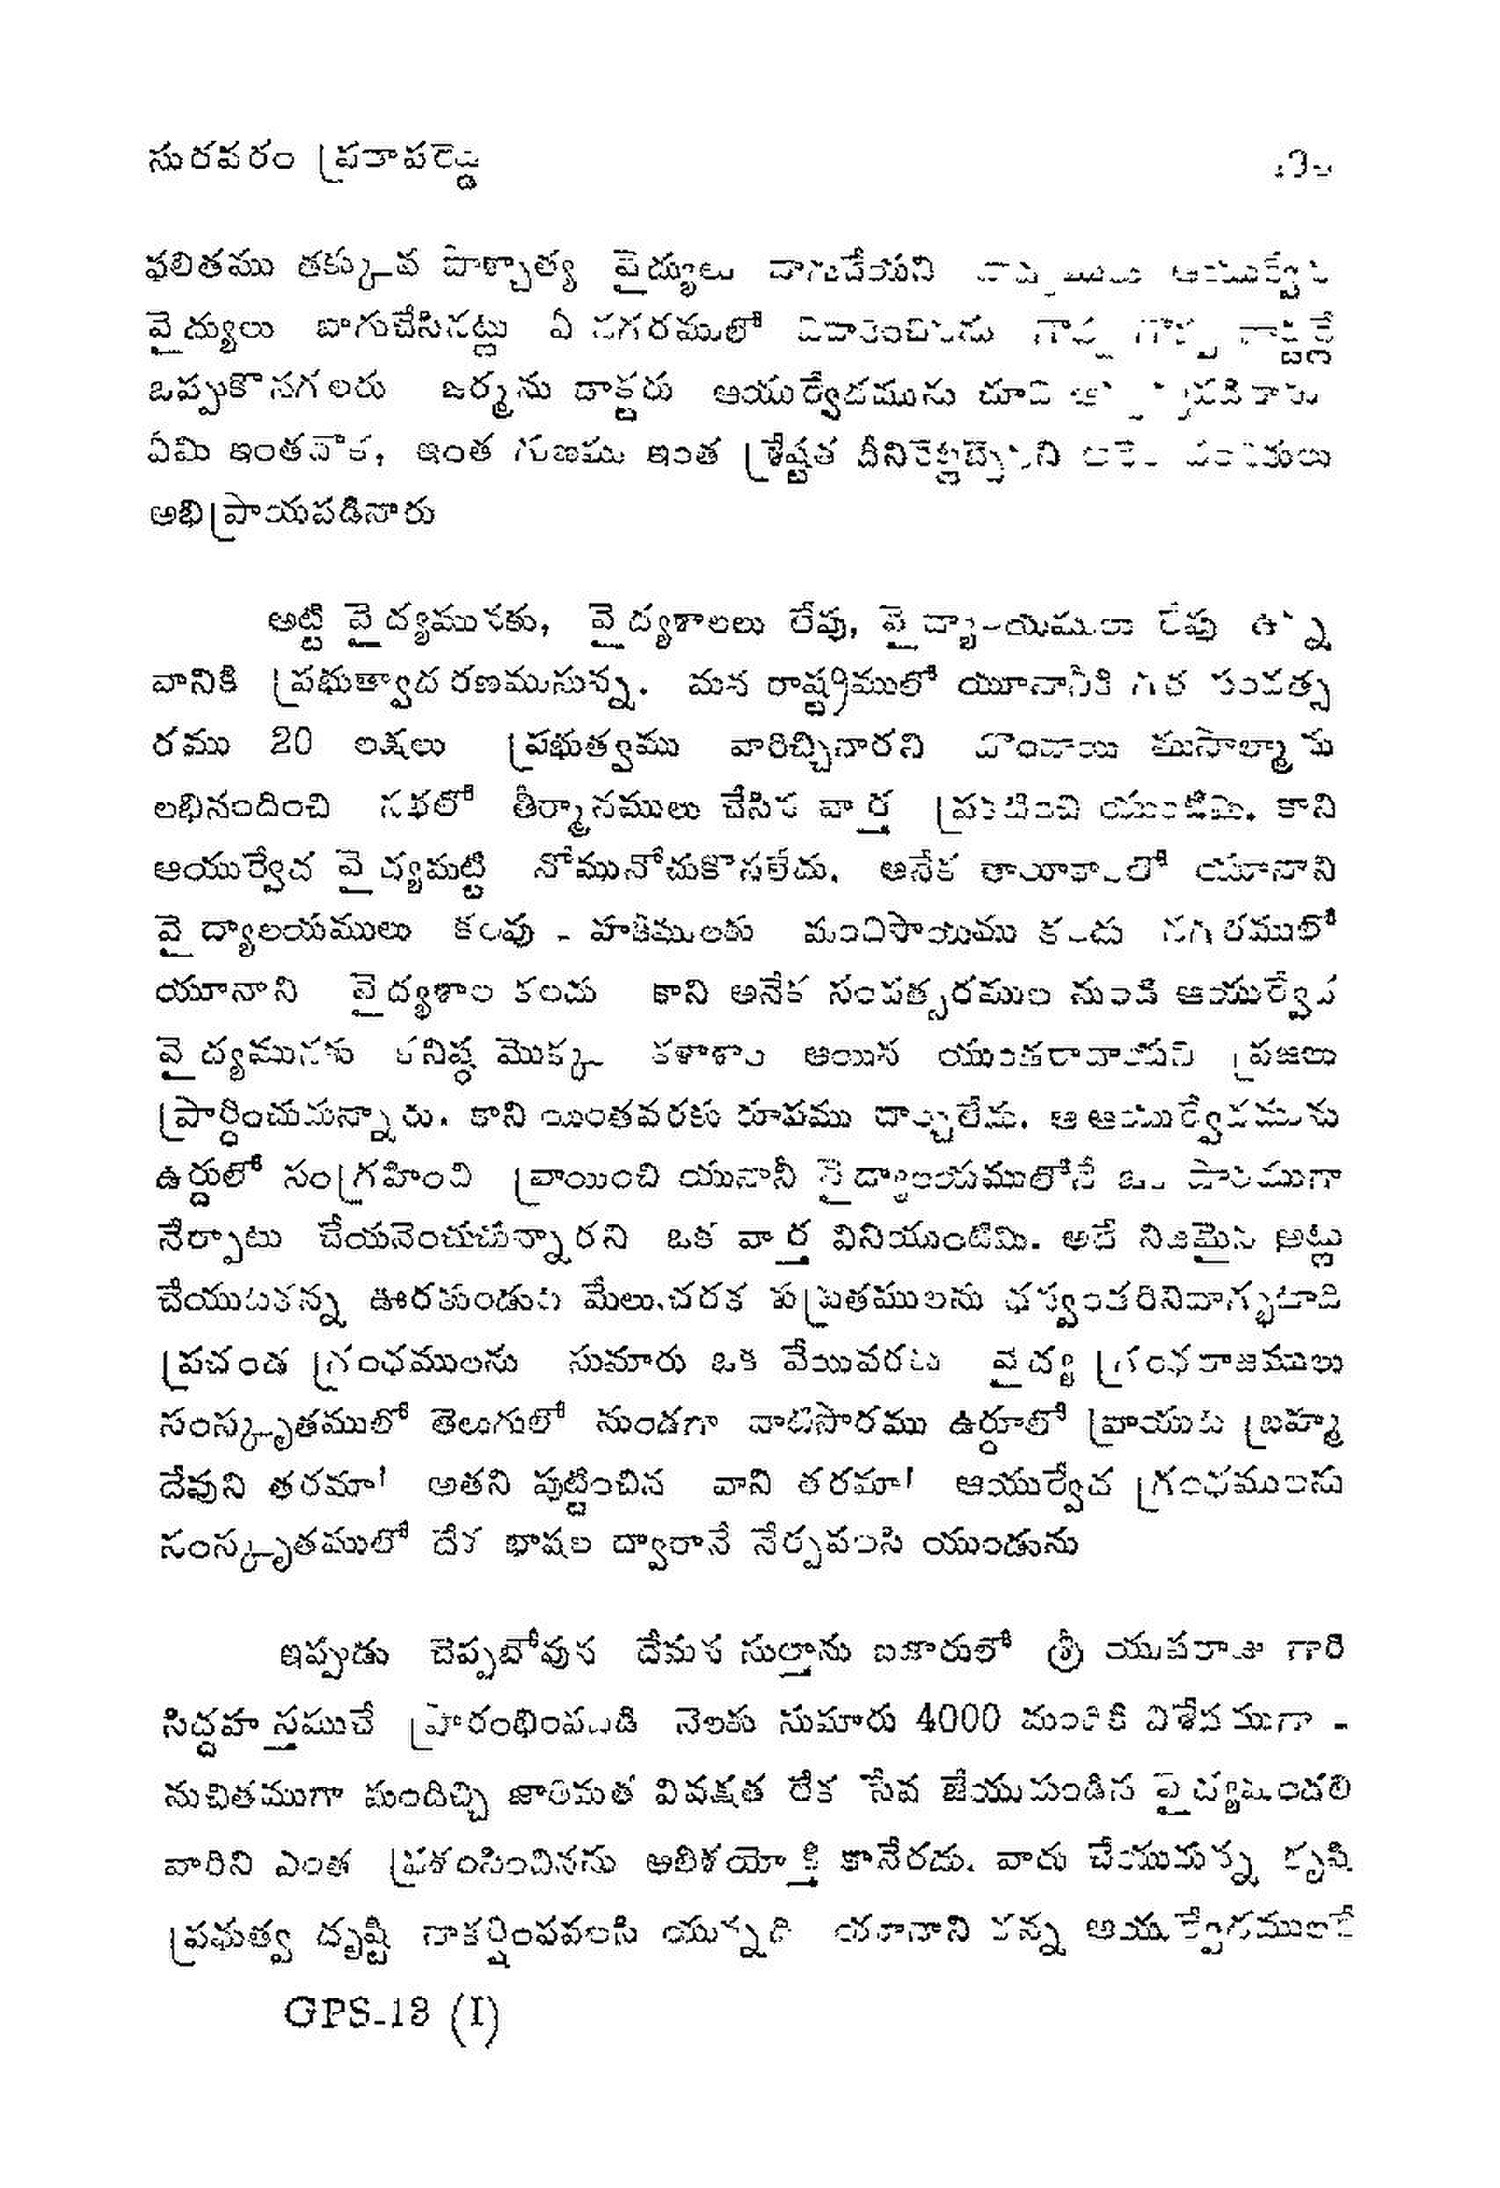ఫలితము తక్కువ పాశ్చాత్య వైద్యులు బాగుచేయని జాడ్యములు ఆయుర్వేద వైద్యులు బాగుచేసినట్లు ఏ నగరములో విచారించినను గొప్ప గొప్ప డాక్టర్లే ఒప్పుకొనగలరు జర్మను డాక్టరు ఆయుర్వేదమును చూచి ఆశ్చర్యపడినాడు ఏమి ఇంతవొక, ఇంత గుణము ఇంత శ్రేష్టత దీనికెట్లబ్బెనని .................... అభిప్రాయపడినారు

అట్టి వైద్యమునకు, వైద్యశాలలు లేవు, వైద్యాలయములు లేవు ఉన్నవానికి ప్రభుత్వాదరణముసున్న. మన రాష్ట్రములో యూనానికి గత సవత్సరము 20 లక్షలు ప్రభుత్వము వారిచ్చినారని బొంబాయి ముసాల్మాను లభినందించి సభలో తీర్మానములు చేసిన వార్త ప్రకటించి యుంటిమి. కాని ఆయుర్వేద వైద్యమట్టి నోమునోచుకొనలేదు. అనేక తాలూకాలలో యునాని వైద్యాలయములు కలపు హకీములకు మంచిసాయము కలదు నగరములో యూనాని వైద్యశాల కలదు కాని అనేక సంవత్సరముల నుండి ఆయుర్వేద వైద్యమునకు కనిష్ఠ మొక్క కళాశాల అయిన యుండరాదాయని ప్రజలు ప్రార్ధించుచున్నారు. కాని యింతవరకు రూపము దాల్చలేదు. ఆ ఆయుర్వేదమును ఉర్దులో సంగ్రహించి వ్రాయించి యునానీ వైద్యాలయములోనే ఒక పాఠముగా నేర్పాటు చేయనెంచుచున్నారని ఒక వార్త వినియుంటిమి. అదే నిజమైన అట్లు చేయుటకన్న ఊరకుండుట మేలు, చరక శుశ్రుతములను ధన్వంతరినివాగ్భటాది ప్రచండ గ్రంధములను సుమారు ఒక వేయివరకు వైద్య గ్రంధరాజములు
సంస్కృతములో తెలుగులో నుండగా వాటిసారము ఉర్దూలో వ్రాయుట బ్రహ్మదేవుని తరమా! అతని పుట్టించిన వాని తరమా! ఆయుర్వేద గ్రంధములను సంస్కృతములో దేశ భాషల ద్వారానే నేర్పవలసి యుండును

ఇప్పుడు చెప్పబోవున దేమన సుల్తాను బజారులో శ్రీ యువరాజు గారి సిద్ధహస్తముచే ప్రారంభింపబడి నెలకు సుమారు 4000 మందికి విశేషముగా నుచితముగా మందిచ్చి జాతిమత వివక్షత లేక సేవ జేయుచుండిన వైద్యమండలివారిని ఎంత ప్రశంసించినను అతిశయోక్తి కానేరదు. వారు చేయుచున్న కృషి ప్రభుత్వ దృష్టి నాకర్షింపవలసి యున్నది యూనాని కన్న ఆయుర్వేదములకే

GPS_13 (1)